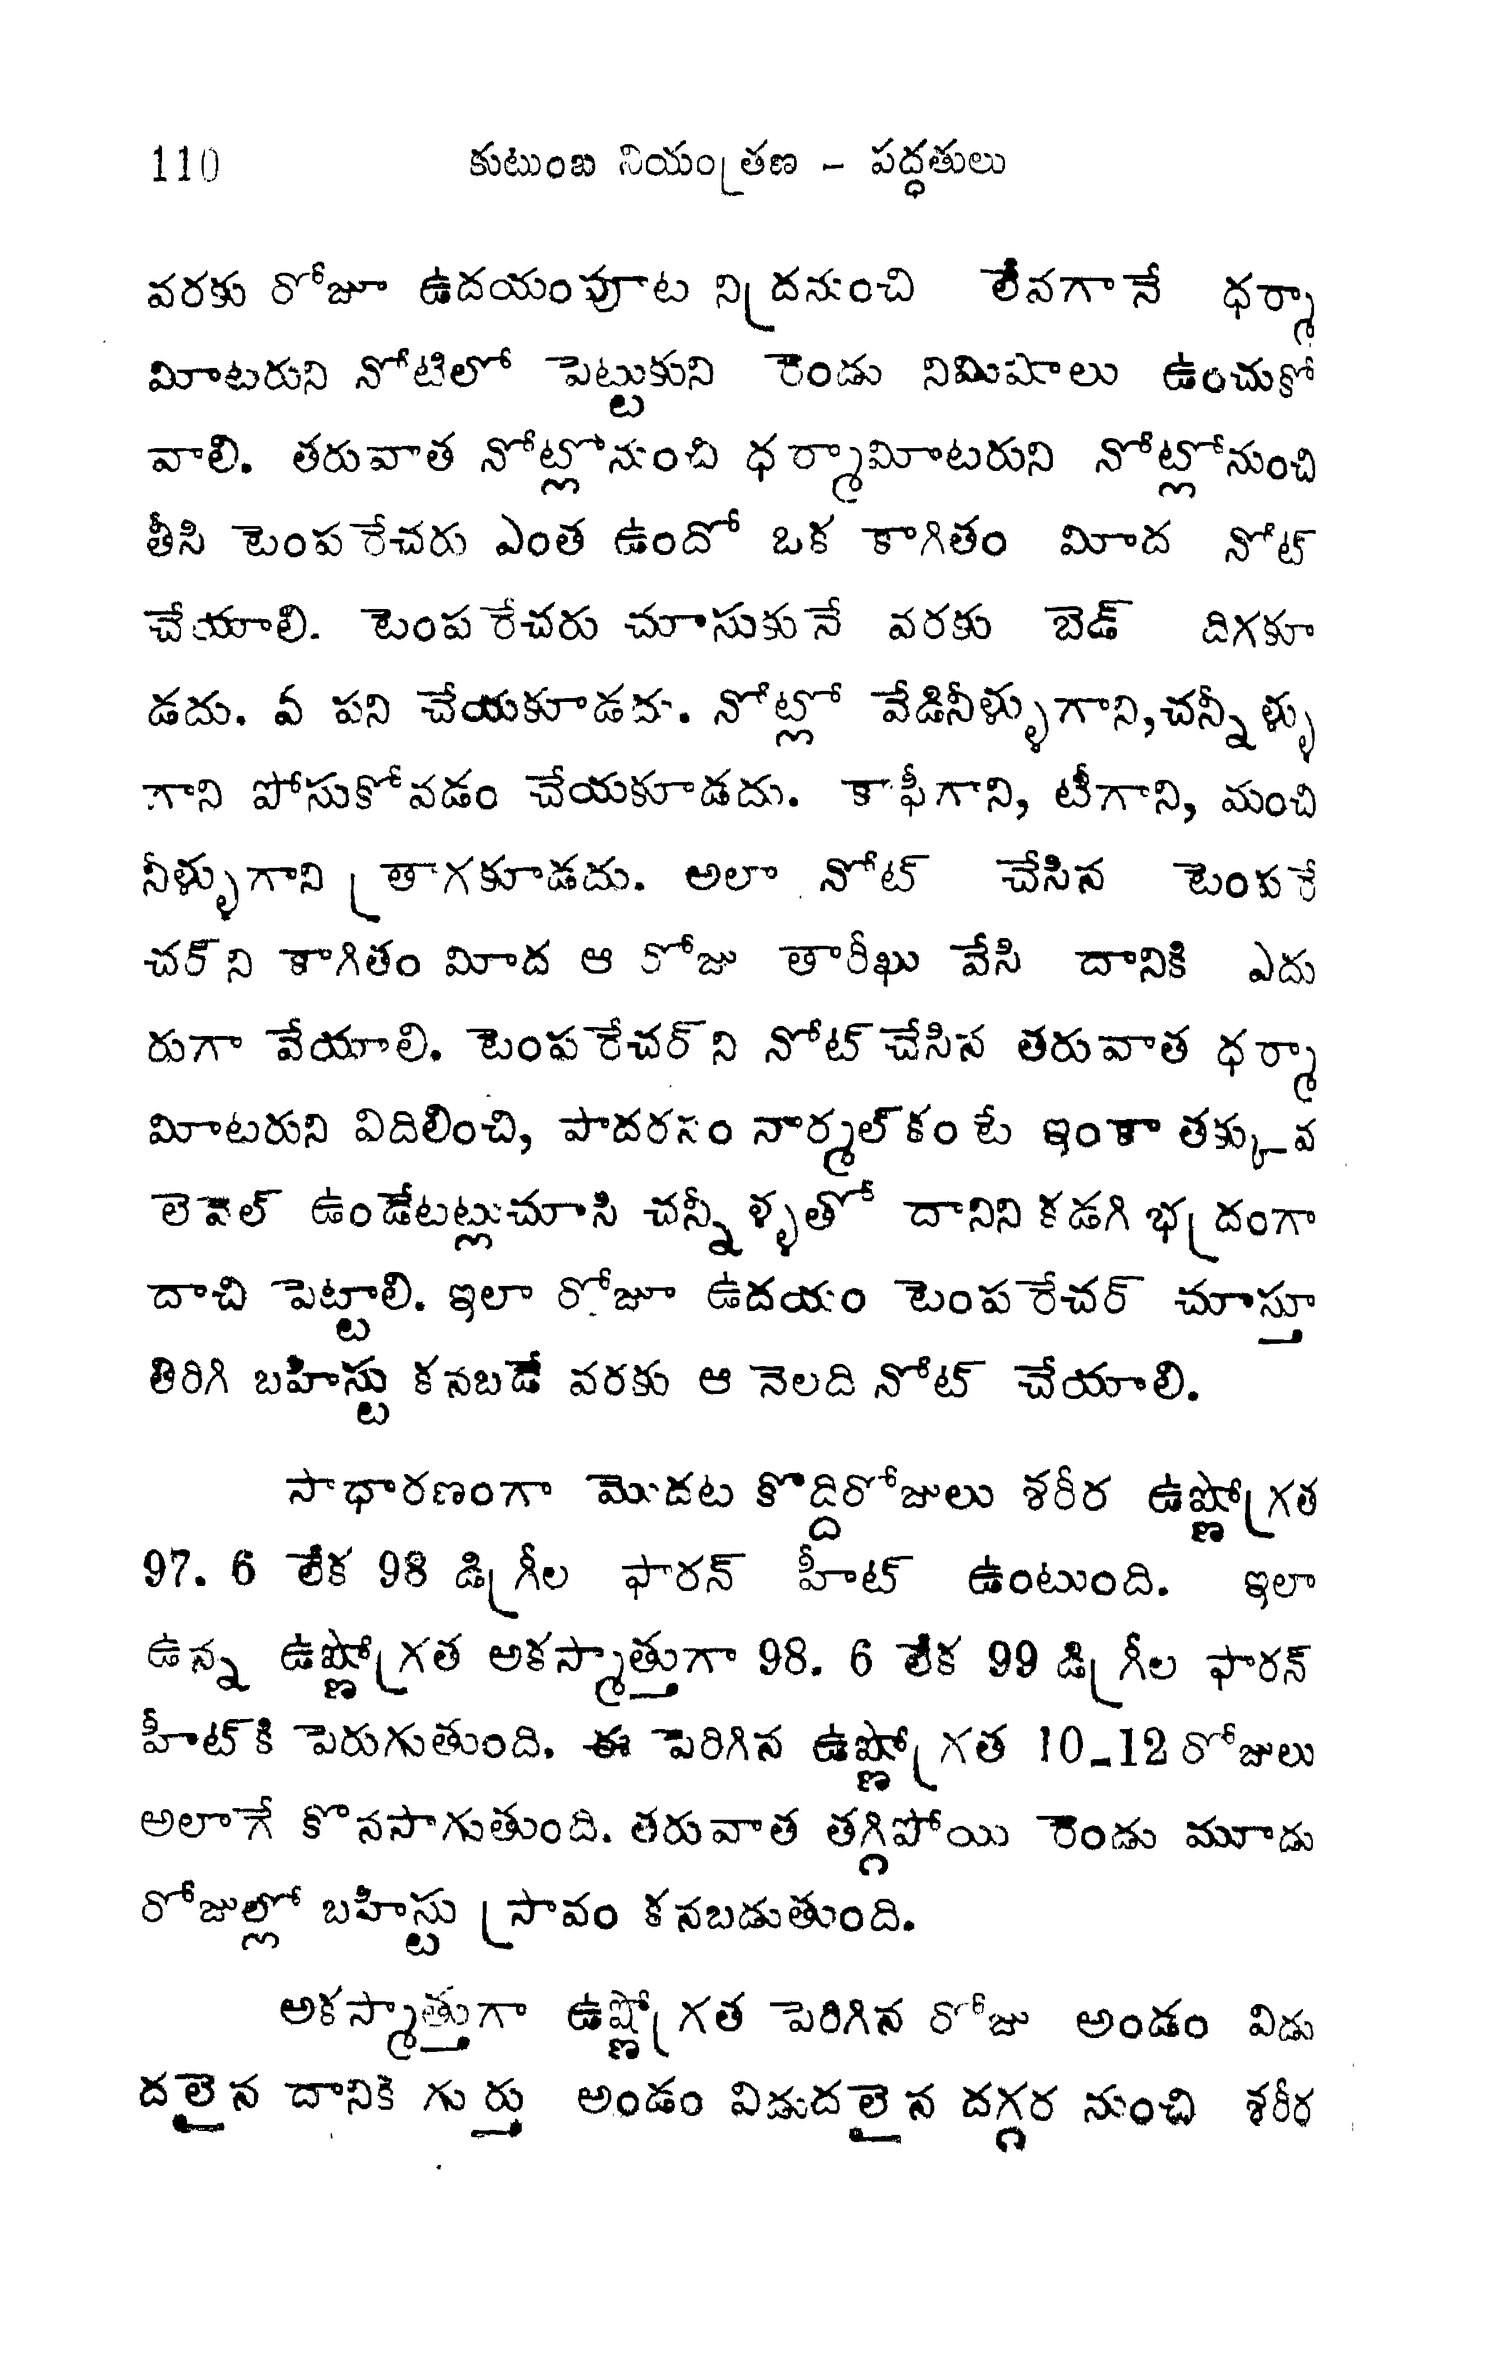వరకు రోజూ ఉదయంపూట నిద్రనుంచి లేవగానే ధర్మామీటరుని నోటిలో పెట్టుకుని రెండు నిమిషాలు ఉంచుకోవాలి. తరువాత నోట్లోనుంచి ధర్మామీటరుని నోట్లోనుంచి తీసి టెంపరేచరు ఎంత ఉందో ఒక కాగితం మీద నోట్ చేయాలి. టెంపరేచరు చూసుకునే వరకు బెడ్ దిగకూడదు. ఏ పనీ చేయకూడదు. నోట్లో వేడినీళ్ళుగాని, చన్నీళ్ళు గాని పోసుకోవడం చేయకూడదు. అలా నోట్ చేసిన టెంపరేచర్‌ని కాగితం మీద ఆ రోజు తారీఖు వేసి దానికి ఎదురుగా వేయాలి. టెంపరేచర్‌ని నోట్ చేసిన తరువాత ధర్మామీటరుని విదిలించి, పాదరసం నార్మల్ కంటే ఇంకాతక్కువ లెవెల్ ఉండేటట్లుచూసి చన్నీళ్ళతో దానిని కడగి భద్రంగా దాచి పెట్టాలి. ఇలా రోజూ ఉదయం టెంపరేచర్ చూస్తూ తిరిగి బహిస్టు కనబడే వరకు ఆ నెలది నోట్ చేయాలి.

సాధారణంగా మొదట కొద్దిరోజులు శరీర ఉష్ణోగ్రత 97.6 లేక 98 డిగ్రీల ఫారన్ హీట్ ఉంటుంది. ఇలా ఉన్న ఉష్ణోగ్రత అకస్మాత్తుగా 98.6 లేక 99 డిగ్రీల ఫారన్ హీట్ కి పెరుగుతుంది. ఈ పెరిగిన ఉష్ణోగ్రత 10 - 12 రోజులు అలాగే కొనసాగుతుంది. తరువాత తగ్గిపోయి రెండు మూడు రోజుల్లో బహిస్టు స్రావం కనబడుతుంది.

అకస్మాత్తుగా ఉష్ణోగ్రత పెరిగిన రోజు అండం విడుదలైనదానికి గుర్తు అండం విడుదలైన దగ్గర నుంచి శరీర